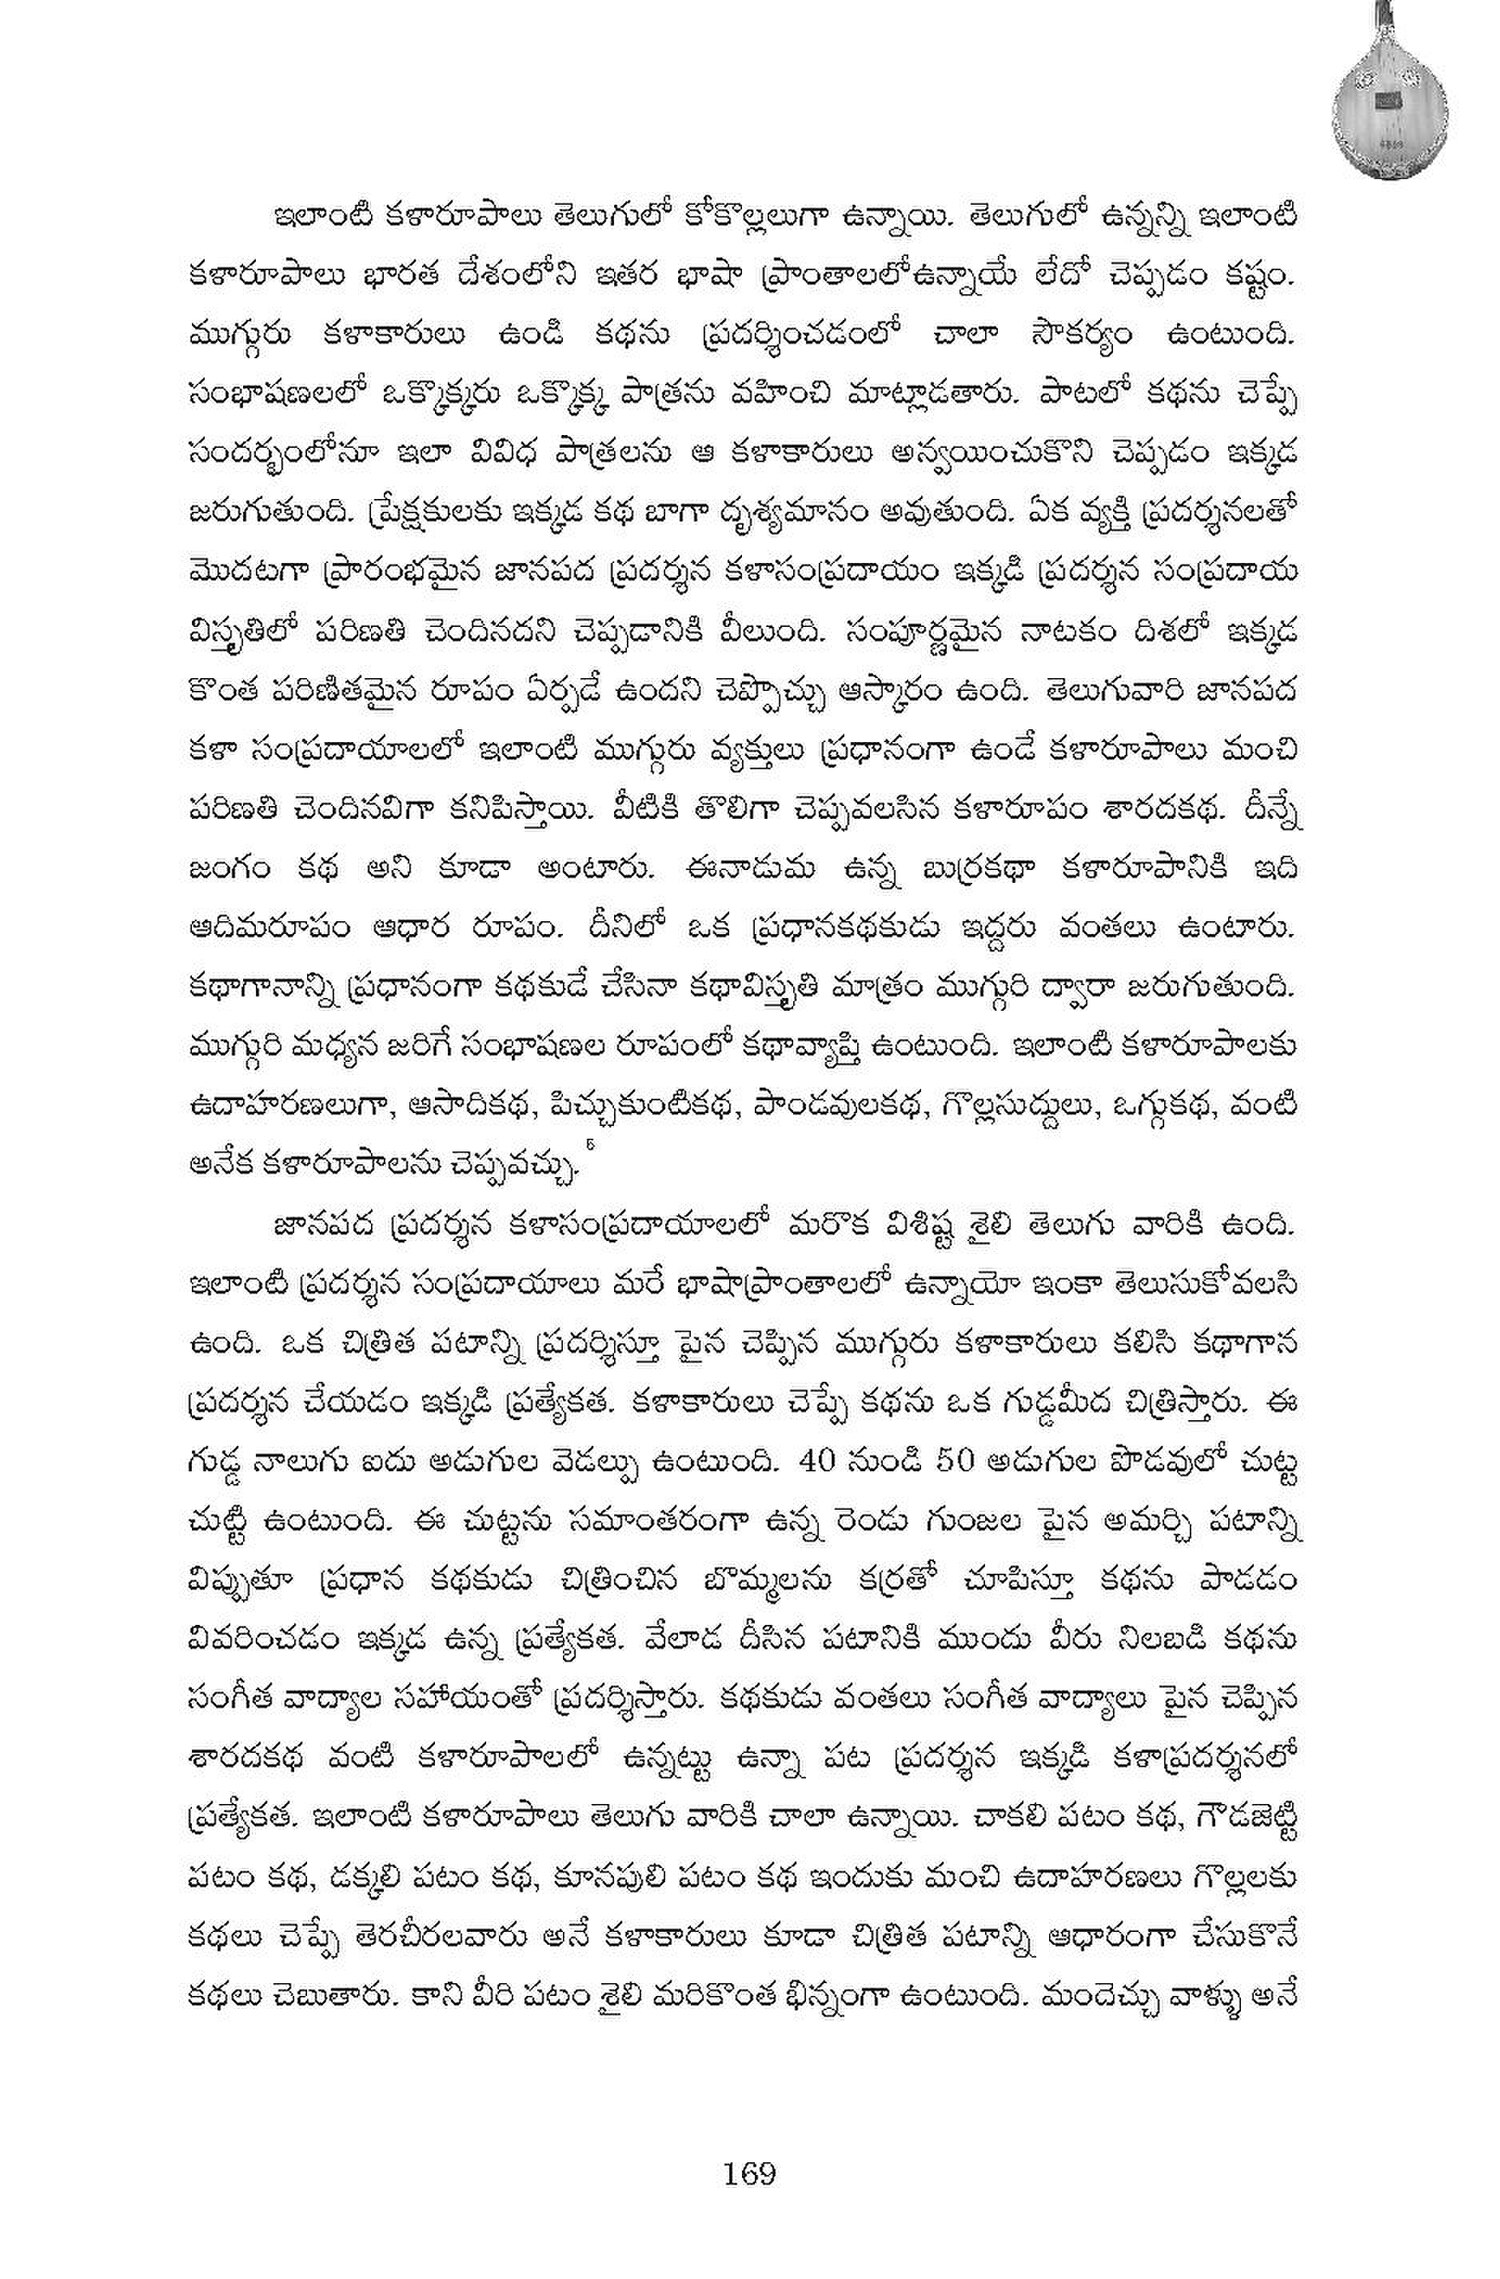ఇలాంటి కళారూపాలు తెలుగులో కోకొల్లలుగా ఉన్నాయి. తెలుగులో ఉన్నన్ని ఇలాంటి కళారూపాలు భారత దేశంలోని ఇతర భాషా ప్రాంతాలలో ఉన్నాయే లేదో చెప్పడం కష్టం. ముగ్గురు కళాకారులు ఉండి కథను ప్రదర్శించడంలో చాలా సౌకర్యం ఉంటుంది. సంభాషణలలో ఒక్కొక్కరు ఒక్కొక్క పాత్రను వహించి మాట్లాడతారు. పాటలో కథను చెప్పే సందర్భంలోనూ ఇలా వివిధ పాత్రలను ఆ కళాకారులు అన్వయించుకొని చెప్పడం ఇక్కడ జరుగుతుంది. ప్రేక్షకులకు ఇక్కడ కథ బాగా దృశ్యమానం అవుతుంది. ఏక వ్యక్తి ప్రదర్శనలతో మొదటగా ప్రారంభమైన జానపద ప్రదర్శన కళాసంప్రదాయం ఇక్కడి ప్రదర్శన సంప్రదాయ విస్తృతిలో పరిణతి చెందినదని చెప్పడానికి వీలుంది. సంపూర్ణమైన నాటకం దిశలో ఇక్కడ కొంత పరిణితమైన రూపం ఏర్పడే ఉందని చెప్పొచ్చు ఆస్కారం ఉంది. తెలుగువారి జానపద కళా సంప్రదాయాలలో ఇలాంటి ముగ్గురు వ్యక్తులు ప్రధానంగా ఉండే కళారూపాలు మంచి పరిణతి చెందినవిగా కనిపిస్తాయి. వీటికి తొలిగా చెప్పవలసిన కళారూపం శారదకథ. దీన్నే జంగం కథ అని కూడా అంటారు. ఈనాడుమ ఉన్న బుర్రకథా కళారూపానికి ఇది ఆదిమ రూపం ఆధార రూపం. దీనిలో ఒక ప్రధానకథకుడు ఇద్దరు వంతలు ఉంటారు. కథాగానాన్ని ప్రధానంగా కథకుడే చేసినా కథావిస్తృతి మాత్రం ముగ్గురి ద్వారా జరుగుతుంది. ముగ్గురి మధ్యన జరిగే సంభాషణల రూపంలో కథావ్యాప్తి ఉంటుంది. ఇలాంటి కళారూపాలకు ఉదాహరణలుగా, ఆసాదికథ, పిచ్చుకుంటికథ, పాండవులకథ, గొల్లసుద్దులు, ఒగ్గుకథ, వంటి అనేక కళారూపాలను చెప్పవచ్చు.6

జానపద ప్రదర్శన కళాసంప్రదాయాలలో మరొక విశిష్ట శైలి తెలుగు వారికి ఉంది. ఇలాంటి ప్రదర్శన సంప్రదాయాలు మరే భాషాప్రాంతాలలో ఉన్నాయో ఇంకా తెలుసుకోవలసి ఉంది. ఒక చిత్రిత పటాన్ని ప్రదర్శిస్తూ పైన చెప్పిన ముగ్గురు కళాకారులు కలిసి కథాగాన ప్రదర్శన చేయడం ఇక్కడి ప్రత్యేకత. కళాకారులు చెప్పే కథను ఒక గుడ్డమీద చిత్రిస్తారు. ఈ
గుడ్డ నాలుగు ఐదు అడుగుల వెడల్పు ఉంటుంది. 40 నుండి 50 అడుగుల పొడవులో చుట్ట చుట్టి ఉంటుంది. ఈ చుట్టను సమాంతరంగా ఉన్న రెండు గుంజల పైన అమర్చి పటాన్ని విప్పుతూ ప్రధాన కథకుడు చిత్రించిన బొమ్మలను కర్రతో చూపిస్తూ కథను పాడడం వివరించడం ఇక్కడ ఉన్న ప్రత్యేకత. వేలాడ దీసిన పటానికి ముందు వీరు నిలబడి కథను
సంగీత వాద్యాల సహాయంతో ప్రదర్శిస్తారు. కథకుడు వంతలు సంగీత వాద్యాలు పైన చెప్పిన శారదకథ వంటి కళారూపాలలో ఉన్నట్టు ఉన్నా పట ప్రదర్శన ఇక్కడి కళాప్రదర్శనలో ప్రత్యేకత. ఇలాంటి కళారూపాలు తెలుగు వారికి చాలా ఉన్నాయి. చాకలి పటం కథ, గౌడజెట్టి పటం కథ, డక్కలి పటం కథ, కూనపులి పటం కథ ఇందుకు మంచి ఉదాహరణలు గొల్లలకు కథలు చెప్పే తెరచీరలవారు అనే కళాకారులు కూడా చిత్రిత పటాన్ని ఆధారంగా చేసుకొనే
కథలు చెబుతారు. కాని వీరి పటం శైలి మరికొంత భిన్నంగా ఉంటుంది. మందెచ్చు వాళ్ళు అనే